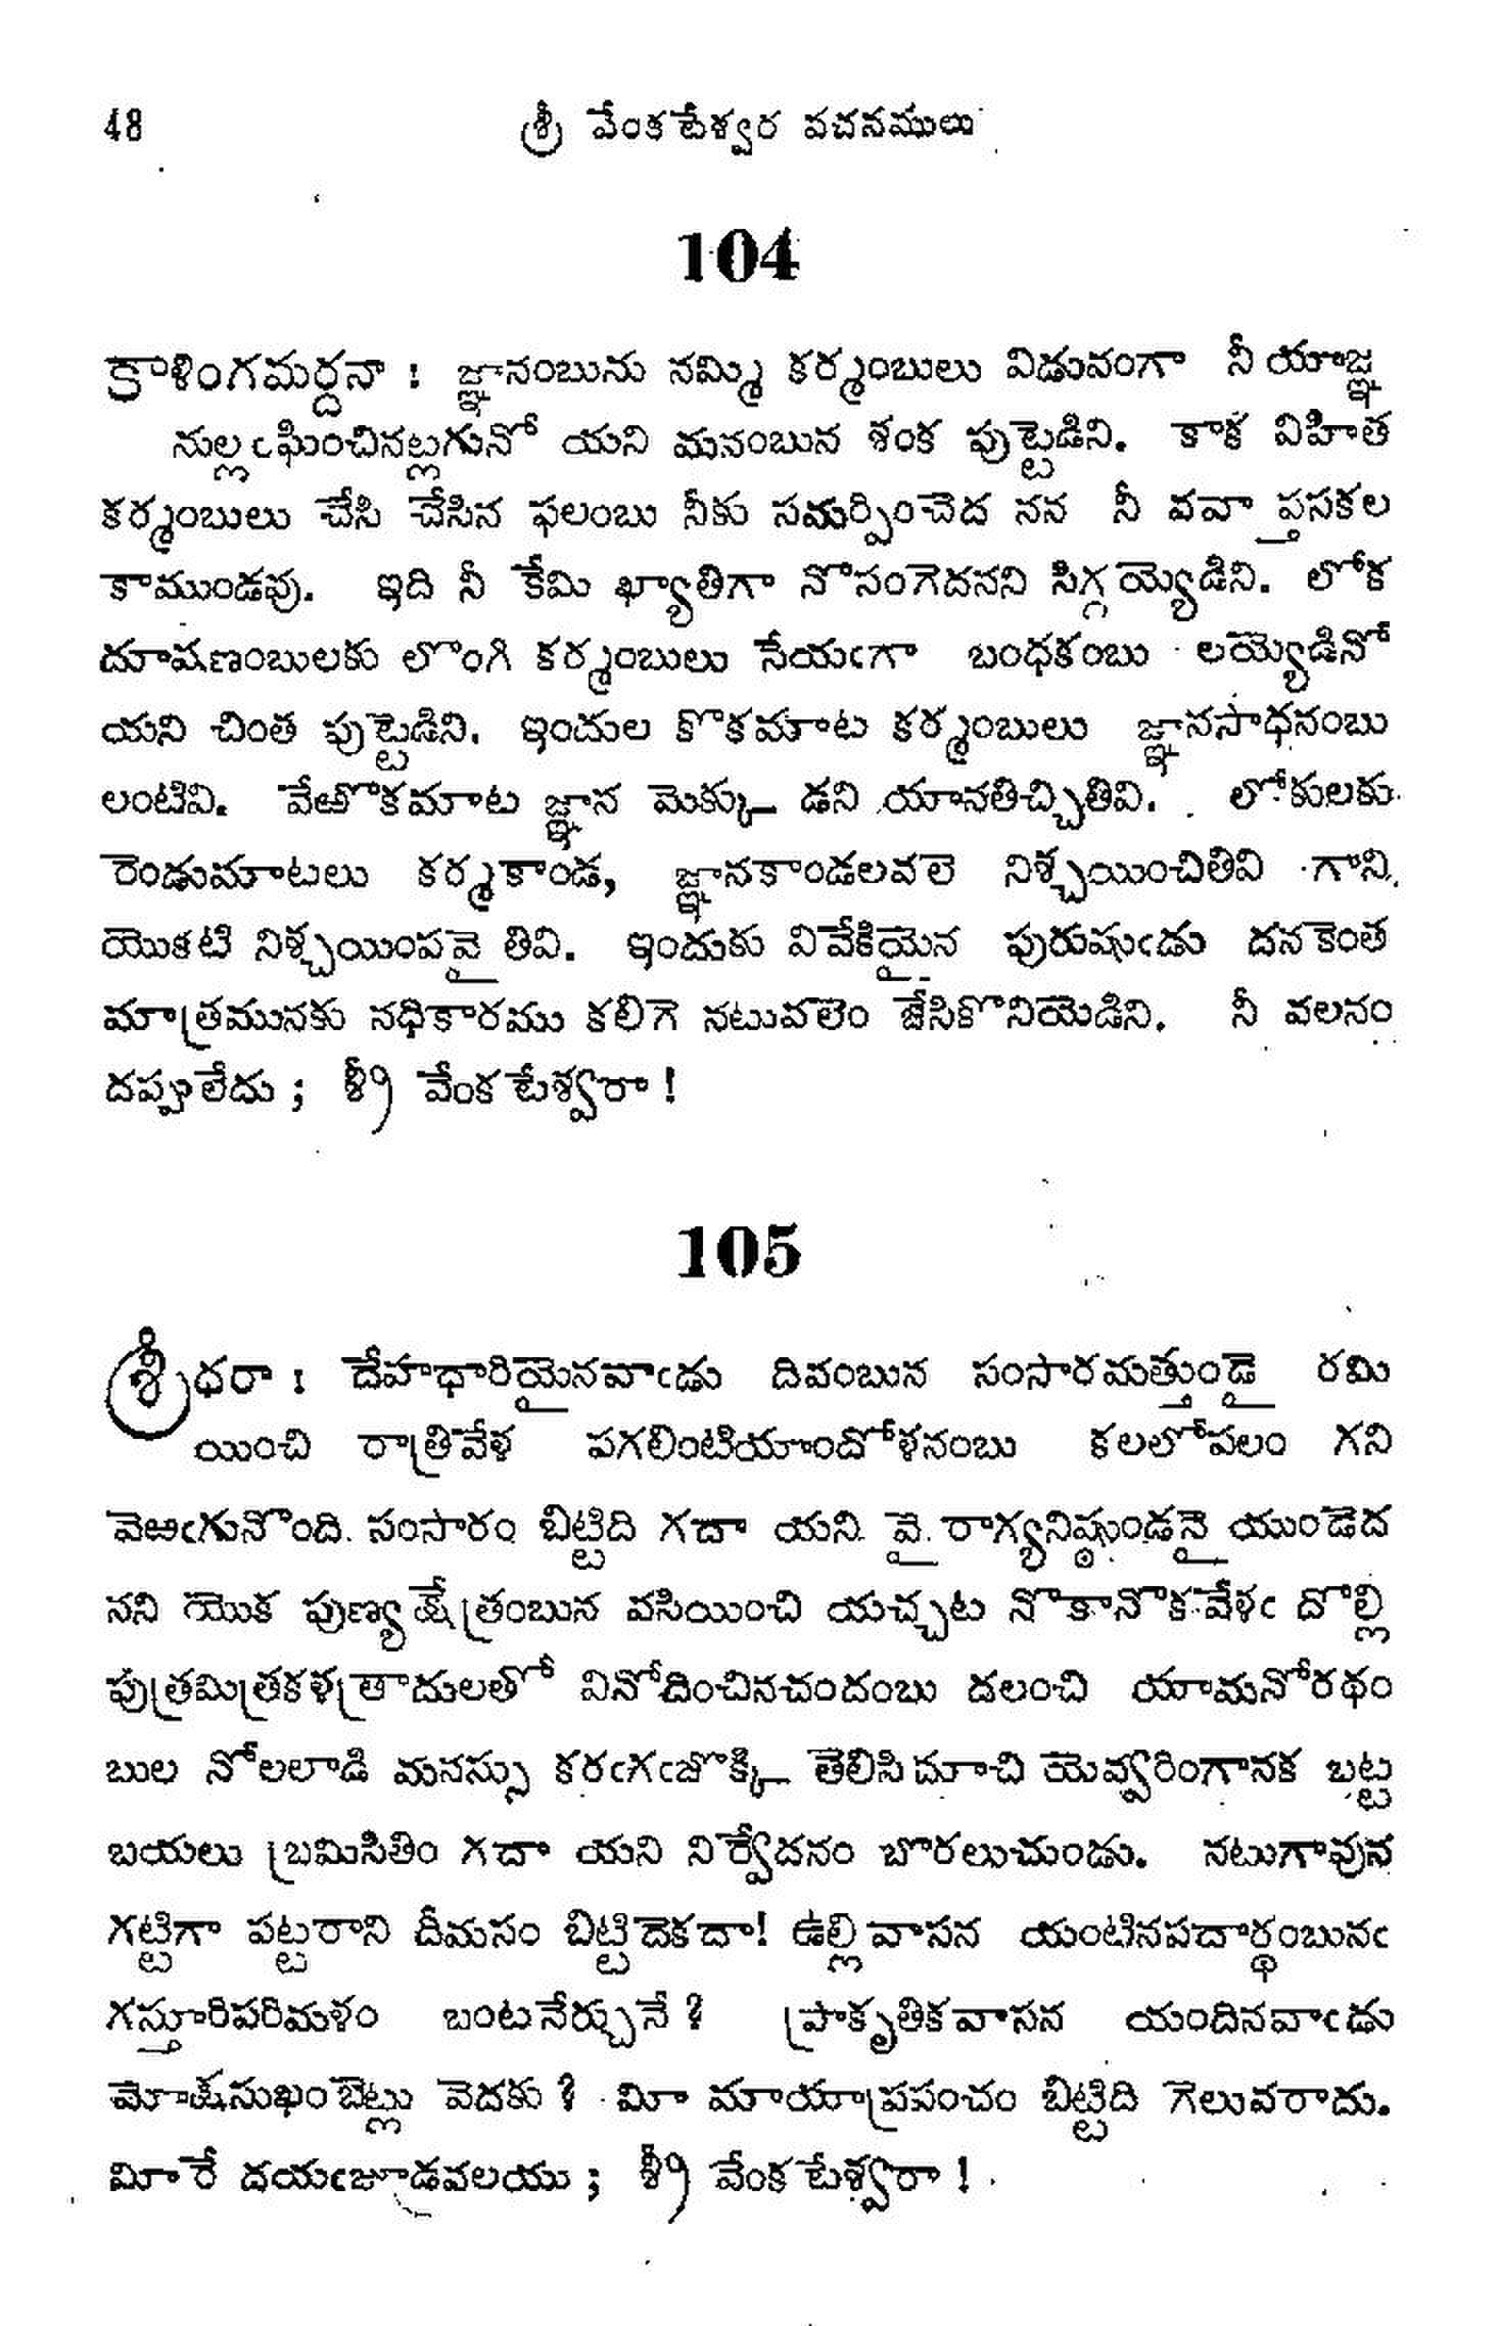104 

 ! జ్ఞానంబును నమ్మి కర్మంబులు విడువంగా నీ యాజ్ఞ
నుల్లంఘించినట్లగునో యని మనంబున శంక పుట్టెడిని. కాక విహిత కర్మంబులు చేసి చేసిన ఫలంబు నీకు సమర్పించెద నన నీ వవా ప్తసకల కాముండవు. ఇది నీ కేమి ఖ్యాతిగా నోసంగెదనని సిగ్గయ్యెడిని. లోక దూషణంబులకు లొంగి కర్మంబులు సేయఁగా బంధకంబు లయ్యెడినో యని చింత పుట్టెడిని, ఇందుల కొకమాట కర్మంబులు జ్ఞానసాధనంబు లంటివి. 'వేఱొకమాట జ్ఞాన మెక్కు డని యానతిచ్చితివి. లోకులకు. రెండుమాటలు కర్మకాండ, జ్ఞానకాండలవలె నిశ్చయించితివి గానీ, యొకటి నిశ్చయింపవై తివి. ఇందుకు వివేకియైన పురుషుఁడు దన కెంత మాత్రమునకు నధికారము కలిగె నటువలెం జేసికొనియెడిని. నీ వలనం దప్పులేదు ; శ్రీ వేంకటేశ్వరా !

105

 ! దేహధారియైనవాఁడు దివంబున సంసారమత్తుండే రమి యించి రాత్రివేళ పగలింటియాందోళనంబు కలలోపలం గని వెఱఁగునొంది. సంసారం బిట్టిది గదా యని, వైరాగ్యనిష్టుండనై యుండెద నని యొక పుణ్య క్షేత్రంబున వసియించి యచ్చట నొకానొక వేళఁ దొల్లి పుత్రమిత్రకళత్రాదులతో వినోదించిన చందంబు దలంచి యామనోరథం బుల నోలలాడి మనస్సు కరఁగఁజొక్కి తెలిసి చూచి యెవ్వరింగానక బట్ట బయలు బ్రమిసితిం గదా యని నిర్వేదనం బొరలుచుండు. నటుగావున గట్టిగా పట్టరాని దీమసం బిట్టి దెకదా! ఉల్లి వాసన యంటిన పదార్థంబునఁ గస్తూరిపరిమళం బంటనేర్చునే? ప్రాకృతిక వాసన యందినవాఁడుమోక్షసుఖం బెట్లు వెదకు ? .మీ మాయాప్రపంచం బిట్టిది గెలువరాదు. మీరే దయఁజూడవలయు ; శ్రీ వేంక టేశ్వరా !